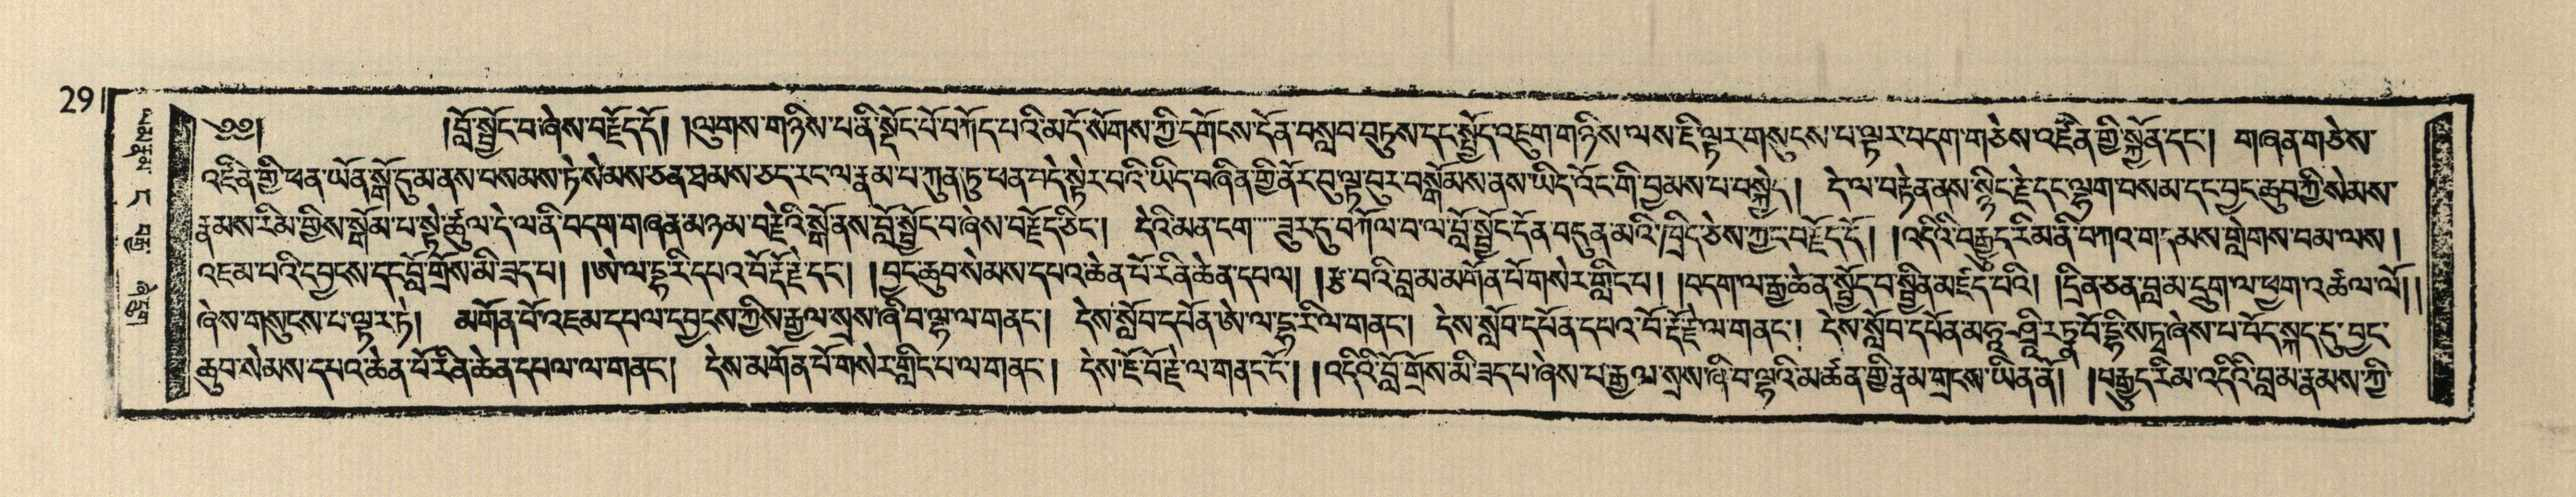༄༅། །བློ་སྦྱོད་བ་ཞེས་བརྗོད་དོ། །ལུགས་གཉིས་པ་ནི་སྡོང་པོ་བཀོད་པའི་མདོ་སོགས་ཀྱི་དགོངས་དོན་བསླབ་བཏུས་དང་སྤྱོད་འཇུག་གཉིས་ལས་ཇི་ལྟར་གསུངས་པ་ལྟར་བདག་གཅེས་འཛིན་གྱི་སྐྱོན་དང་། གཞན་གཅེས་
འཛིན་གྱི་ཕན་ཡོན་སྒོ་དུ་མ་ནས་བསམས་ཏེ་སེམས་ཅན་ཐམས་ཅད་རང་ལ་རྣམ་པ་ཀུན་ཏུ་ཕན་བདེ་སྟེང་བའི་ཡིད་བཞིན་གྱི་ནོར་བུ་ལྟ་བུར་བསྒོམས་ནས་ཡིད་འོང་གི་བྱམས་པ་བསྐྱེད། དེ་ལ་བརྟེན་ནས་སྙིང་རྗེ་དང་ལྷག་བསམ་དང་བྱང་ཆུབ་ཀྱི་སེམས་
རྣམས་རིམ་གྱིས་སྒོམ་པ་སྟེ་ཚུལ་དེ་ལ་ནི་བདག་གཞན་མཉམ་བརྗེའི་སྒོ་ནས་བློ་སྦྱོད་བ་ཞེས་བརྗོད་ཅིང་། དེའི་མན་ངག་ཟུར་དུ་བཀོལ་བ་ལ་བློ་སྦྱོང་དོན་བདུན་མའི་ཁྲིད་ཅེས་ཀྱང་བརྗོད་དོ། །འདིའི་བརྒྱུད་རིམ་ནི་བཀའ་གདམས་གླེགས་བམ་ལས།
འཇམ་པའི་དབྱངས་དང་བློ་གྲོས་མི་ཟད་པ། །ཨེ་ལ་དྷ་རི་དཔའ་བོ་རྡོ་རྗེ་དང་། །བྱང་ཆུབ་སེམས་དཔའ་ཆེན་པོ་རིན་ཆེན་དཔལ། །རྩ་བའི་བླ་མ་མགོན་པོ་གསེར་གླིང་པ། །བདག་ལ་རྒྱ་ཆེན་སྤྱོད་བ་སྦྱིན་མཛད་པའི། །དྲིན་ཅན་བླ་མ་དྲུག་ལ་ཕྱག་འཚལ་ལོ། །
ཞེས་གསུངས་པ་ལྟར་ཏེ། མགོན་པོ་འཇམ་དཔལ་དབྱངས་ཀྱིས་རྒྱལ་སྲས་ཞི་བ་ལྷ་ལ་གནང་། དེས་སློབ་དཔོན་ཨེ་ལ་དྷ་རི་ལ་གནང་། དེས་སློབ་དཔོན་དཔའ་བོ་རྡོ་རྗེ་ལ་གནང་། དེས་སློབ་དཔོན་མ་ཧཱ་ཤྲཱི་རཏྣ་བོ་དྷི་སཏྭ་ཞེས་པ་བོད་སྐད་དུ་བྱང་
ཆུབ་སེམས་དཔའ་ཆེན་པོ་རིན་ཆེན་དཔལ་ལ་གནང་། དེས་མགོན་པོ་གསེར་གླིང་པ་ལ་གནང་། དེས་ཇོ་བོ་རྗེ་ལ་གནང་ངོ། །འདིའི་བློ་གྲོས་མི་ཟད་པ་ཞེས་པ་རྒྱལ་སྲས་ཞི་བ་ལྷའི་མཚན་གྱི་རྣམ་གྲངས་ཡིན་ནོ། །བརྒྱུད་རིམ་འདིའི་བླ་མ་རྣམས་ཀྱི་